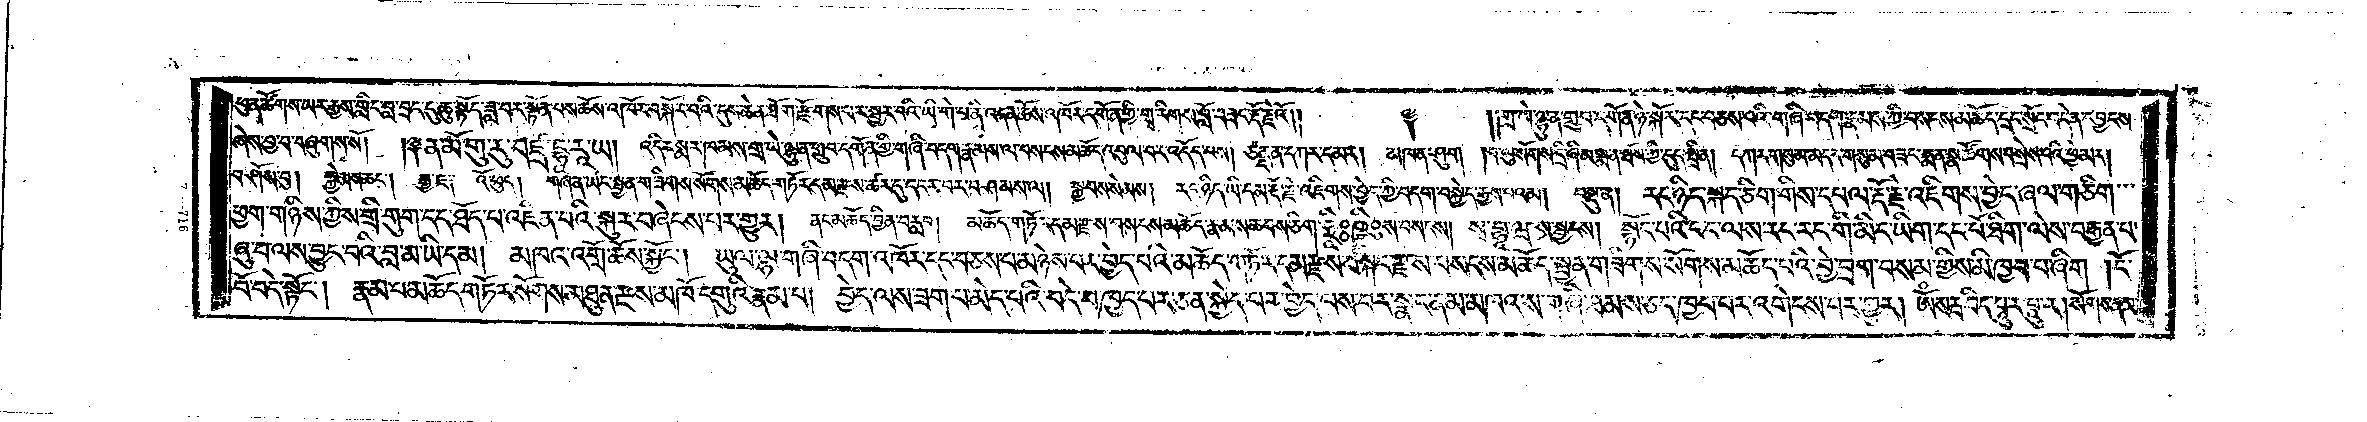ཕུན་ཚོགས་ཡར་རྒྱས་གླིང་བླ་བྲང་དུ་ཆུ་སྟོད་ཟླ་བར་སྟོན་པས་ཆོས་འཁོར་བསྐོར་བའི་དུས་ཆེན་ཐོག་རྫོགས་པར་སྦྱར་བའི་ཡི་གེ་པ་ནི་འདན་ཆོས་འཁོར་དགོན་གྱི་གྲྭ་རིགས་བློ་བཟང་རྡོ་རྗེའོ།། ༈ །།གྲ་ཡེ་ལྷུན་གྲུབ་དགོན་ཉེ་སྐོར་དང་བཅས་པའི་གཞི་བདག་རྣམས་ཀྱི་བསངས་མཆོད་དྲང་སྲོང་བདེན་དབྱངས་
ཞེས་བྱ་བ་བཞུགས་སོ། ། ༈ ན་མོ་གུ་རུ་བཛྲ་དྷཱ་རཱ་ཡ། འདིར་སྨར་ཁམས་གྲ་ཡེ་ལྷུན་གྲུབ་དགོན་གྱི་གཞི་བདག་རྣམས་ལ་བསངས་མཆོད་འབུལ་བར་འདོད་བས། ཙནྡན་དཀར་དམར། མཁན་ཤུག །བ་ལུ་སོགས་དྲི་ཞིམ་སྨན་སྤོས་ཀྱི་དུད་སྤྲིན། དཀར་གསུམ་མངར་གསུམ་བཟང་སྨན་སྣ་ཚོགས་བསྲེས་པའི་ཕྱེ་མར།
བཤོས་བུ། སྐྱེམས་ཆད། རྒྱ་ཇ༑ འོ་ཕུད། གཞན་ཡང་སྤྱན་གཟིགས་སོགས་མཆོད་གཏོར་དམ་རྫས་ཚར་དུ་དངར་བར་བཤམས་ལ། སྐྱབས་སེམས། རང་ཉིད་ཡི་དམ་རྡོ་རྗེ་འཇིགས་བྱེད་ཀྱི་བདག་བསྐྱེད་རྒྱས་པའམ། བསྡུ་ན། རང་ཉིད་སྐད་ཅིག་གིས་དཔལ་རྡོ་རྗེ་འཇིགས་བྱེད་ཞལ་གཅིག་
ཕྱག་གཉིས་ཀྱིས་གྲི་གུག་དང་ཐོད་པ་འཛིན་པའི་སྐུར་བཞེངས་པར་གྱུར། ནང་མཆོད་བྱིན་བརླབ། མཆོད་གཏོར་དམ་རྫས་བསངས་མཆོད་རྣམས་ཆབས་ཅིག་ཧྲཱིཿཥྚཱིཿ ས་བསངས། སྭ་བྷཱ་ཝས་སྦྱངས།  སྟོང་པའི་ངང་ལས་རང་རང་གི་མིང་ཡིག་དང་པོ་ཐིག་ལེས་བརྒྱན་པ་
ཞུ་བ་ལས་བྱུང་བའི་བླ་མ་ཡི་དམ། མཁའ་འགྲོ་ཆོས་སྐྱོང་། ཡུལ་ལྷ་གཞི་བདག་འཁོར་དང་བཅས་པ་མཉེས་པར་བྱེད་པའི་མཆོད་གཏོར་དམ་རྫས་བསྐངས་རྫས་བསངས་མཆོད་སྤྱན་གཟིགས་སོགས་མཆོད་པའི་བྱེ་བྲག་བསམ་གྱིས་མི་ཁྱབ་བ་ཞིག །ངོ་
བོ་བདེ་སྟོང་། རྣམ་པ་མཆོད་གཏོར་སོགས་མཐུན་རྫས་མཁོ་དགུའི་རྣམ་པ། བྱེད་ལས་ཟག་པ་མེད་པའི་བདེ་བ་ཁྱད་པར་ཅན་སྐྱེད་པར་བྱེད་པས་བར་སྣང་ནམ་མཁའ་ས་གཞི་ཐམས་ཅད་ཁྱབ་པར་འགེངས་པར་གྱུར། ཨོཾ་སརྦ་བིད་པཱུར་པཱུ་ར། སོགས་ནམ་